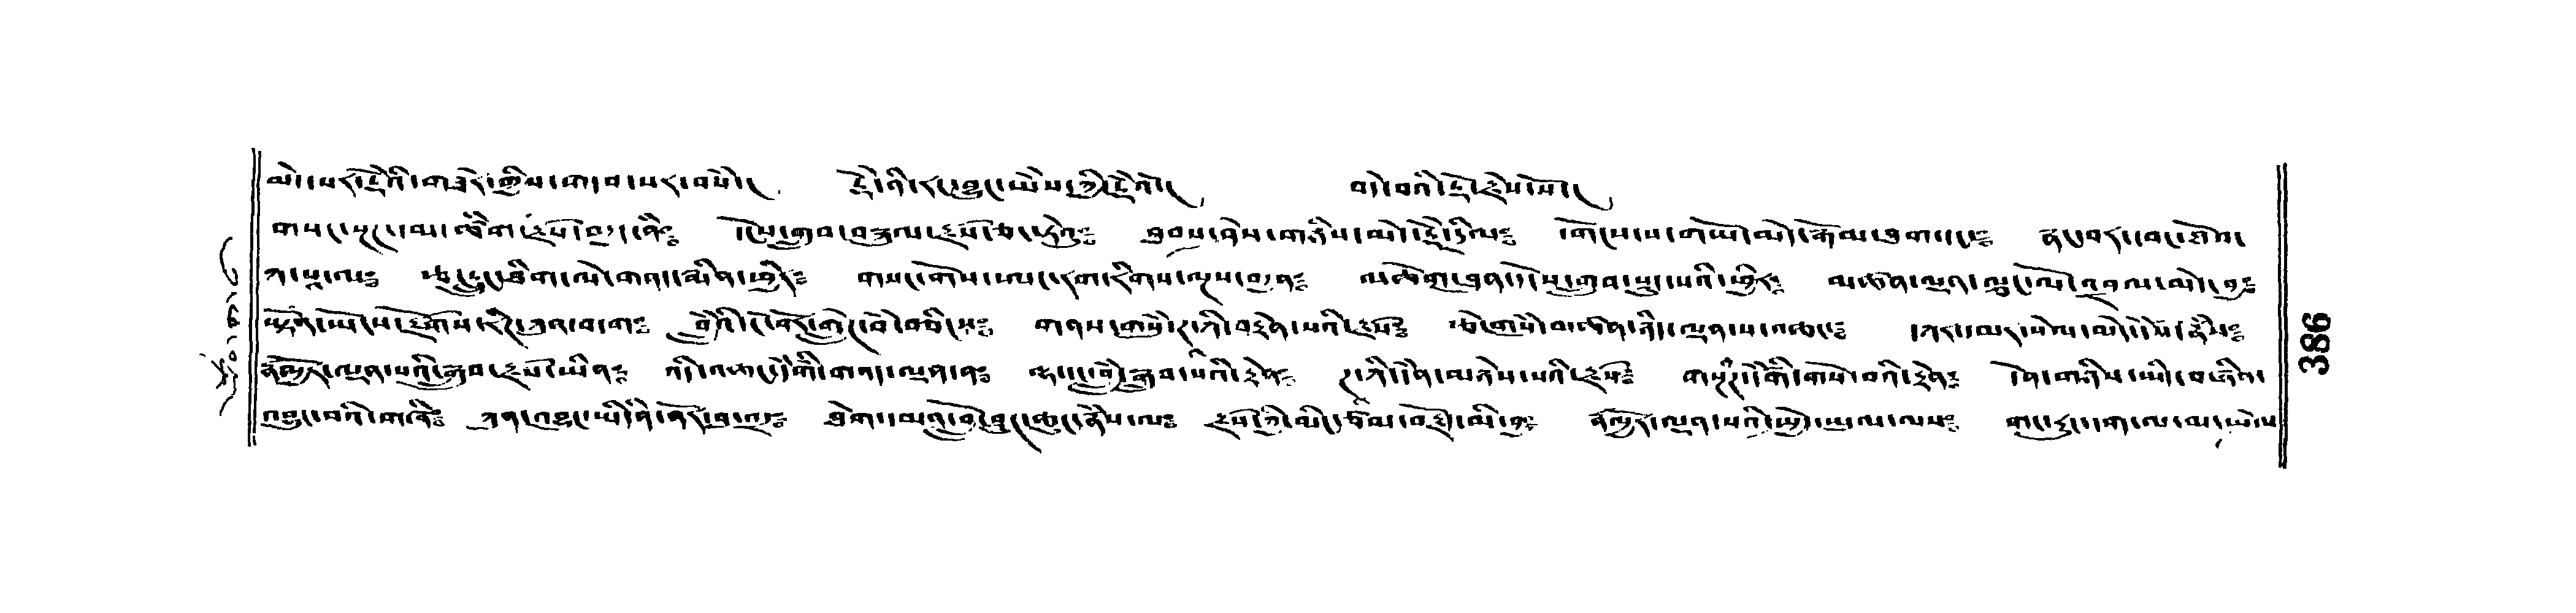མེད་པར་རྡོ་རྗེའི་གཟེར་གྱིས་གདབ་པར་བསམ། རྡོ་རྗེ་ནི་རང་བྱུང་ཡེ་ཤེས་ཀྱི་རྡོ་རྗེའོ། བདེ་བའི་རྡོ་རྗེས་སོ།། 
གསང་སྔགས་དམ་ཚིག་རྫས་བརྒྱད་ནི༔ དངོས་གྲུབ་བསྐུལ་རྫས་ཅང་ཏེའུ༔ ཐབས་ཤེས་གཉིས་མེད་རྡོ་རྗེ་དྲིལ༔ དགོངས་པ་གཡོ་མེད་སྒོམ་ཐག་དང༔ སྣང་བར་དབང་ཐོབ་
ཀ་པཱ་ལ༔ རྩ་རླུང་ཐིག་ལེ་གནད་སྨིན་ཕྱིར༔ གསང་གོས་ཨང་རག་རིགས་ལྔས་བརྒྱན༔ མཆོག་ཐུན་དངོས་གྲུབ་སྡུད་པའི་ཕྱིར༔ མཚན་ལྡན་ལྕང་ལོ་འབྲལ་མེད་བྱ༔ 
ཡོན་ཏན་ཡོངས་རྫོགས་རིགས་ཀུན་བདག༔ བླ་མའི་ངོ་བོར་གླེགས་བམ་བཅིངས༔ གནས་གསུམ་ཌཱ་ཀི་བརྟེན་པའི་རྫས༔ རྩེ་གསུམ་མཚན་ཉིད་ལྡན་པ་འཆང༔ དཀར་དམར་སེལ་མེད་དམ་བཅས་རྣམས་༔ 
རྣལ་འབྱོར་ལྡན་པའི་སྒྲུབ་རྫས་ཡིན༔ འདི་འཆང་དམ་ཚིག་གནད་ལྡན་ན༔ ལྷ་དང་བླ་མ་སྒྲུབ་པའི་རྟེན༔ ཌཱ་ཀི་དམ་ཅན་མཉེས་པའི་རྫས༔ གསང་སྔགས་དམ་ཚིག་གསོ་བའི་རྟེན༔ དོན་གཉིས་ཡིད་བཞིན་
འབྱུང་བའི་གཞི༔ ཀུན་འབྱུང་ཡིད་བཞིན་ནོར་བུ་འདྲ༔ ཐེག་དམན་བློ་ཤུགས་ཆུང་རྣམས་ལ༔ རྫས་ཀྱི་མིང་ཙམ་བརྗོད་མི་བྱ༔ རྣལ་འབྱོར་ལྡན་པའི་སྤྱོད་ཡུལ་ལས༔ གང་རུང་དག་ལ་མ་སྤེལ་